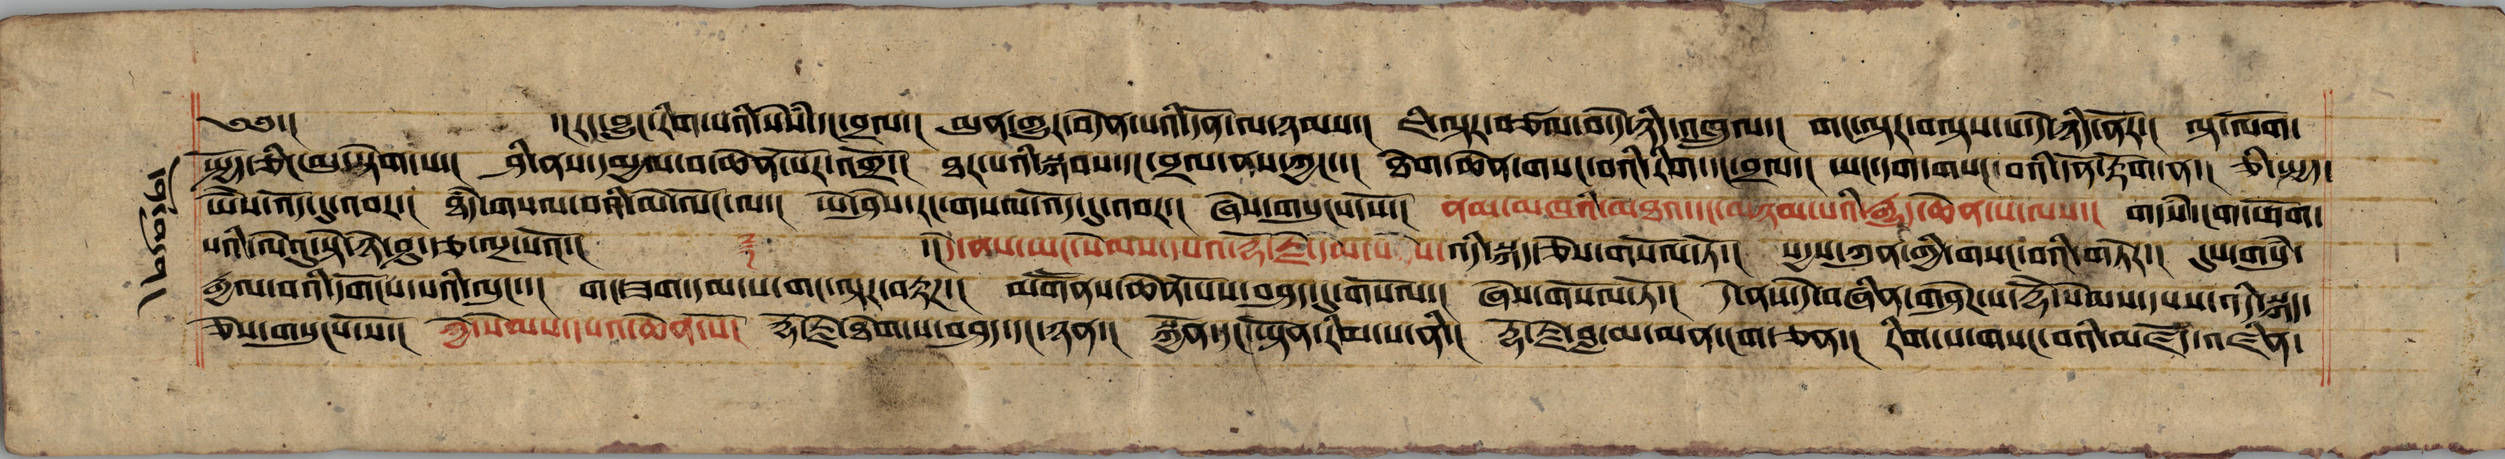༄༅་། ་།རང་བྱུང་རིག་པའི་སེཾས་དང་བྲལ་། མུན་གྱུར་བདེན་པའི་དོན་ལ་ཉམས་། ཇི་ལྟར་བཙལ་བ་དེ་ཉིད་འཁྲུལ་། གང་ལྟར་བལྟས་པ་དེ་ཉིད་ནོར་། ལྟ་ལོག་
སྤྱོད་ཅིང་མུ་སྟེག་པ་། ཤི་ནས་དམྱལ་བ་ཆེན་པོར་འགྲོ་། ཐར་བའི་སྐབས་དང་བྲལ་ནས་ཀྱང་་། ཐེག་ཆེན་གསང་བའི་རིག་དང་བྲལ་། ཡང་དག་གསང་བའི་དོན་རྟོག་ན་། ཅི་སྤྱད་
ཡཻས་འོད་དུ་འབར་། ཐཾད་གསལ་བའི་མེ་ལོང་ལ་། ཡེ་ཤེས་རང་གསལ་འོད་དུ་འབར་། ཞེས་གསུངས་སོ་། ནམ་མཁའི་མཐའ་དང་མཉམ་པའི་རྒྱུད་ཆེན་པོ་ལས་། གདཾས་ངག་བདག་
པའི་ལེའུ་སྟེ་ཉེ་ཤུ་རྩ་ལྔ་པའོ་། ࿑ ་།དེ་ནས་ཡང་སེམས་དཔའ་རྡོ་རྗེ་དམ་པས་འདི་སྐད་ཅེས་གསོལ་ཏོ་། སདྱས་ཀུན་གྱི་གསང་བའི་གཏེར་། དུས་གསུཾ་
རྒྱལ་བའི་དགོངས་པའི་ལུང་་། གང་ཟག་དམ་པ་གང་ལྟར་བརྟཌ་། མགཽནས་ཆེན་པོས་བཤད་དུ་གསོལ་། ཞེས་གསོལ་ཏོ་། དེ་ནས་དེ་བཞིན་གཤེཌ་པ་རྡོེ་སེམས་དཔས་འདི་སྐད་
ཅེས་གསུངས་སོ་། ཀྱེ་སེམས་དཔའ་ཆེན་པོ། རྡོ་རྗེ་ཐེག་པ་བཤད་དང་ཉན་། སྐྱོན་དང་ཡྟོན་རིམ་པ་ནི་། རྡོ་རྗེ་བླ་མ་མན་ངག་ཅན་། རིག་པ་གསང་བའི་མཛོད་འཛིན་